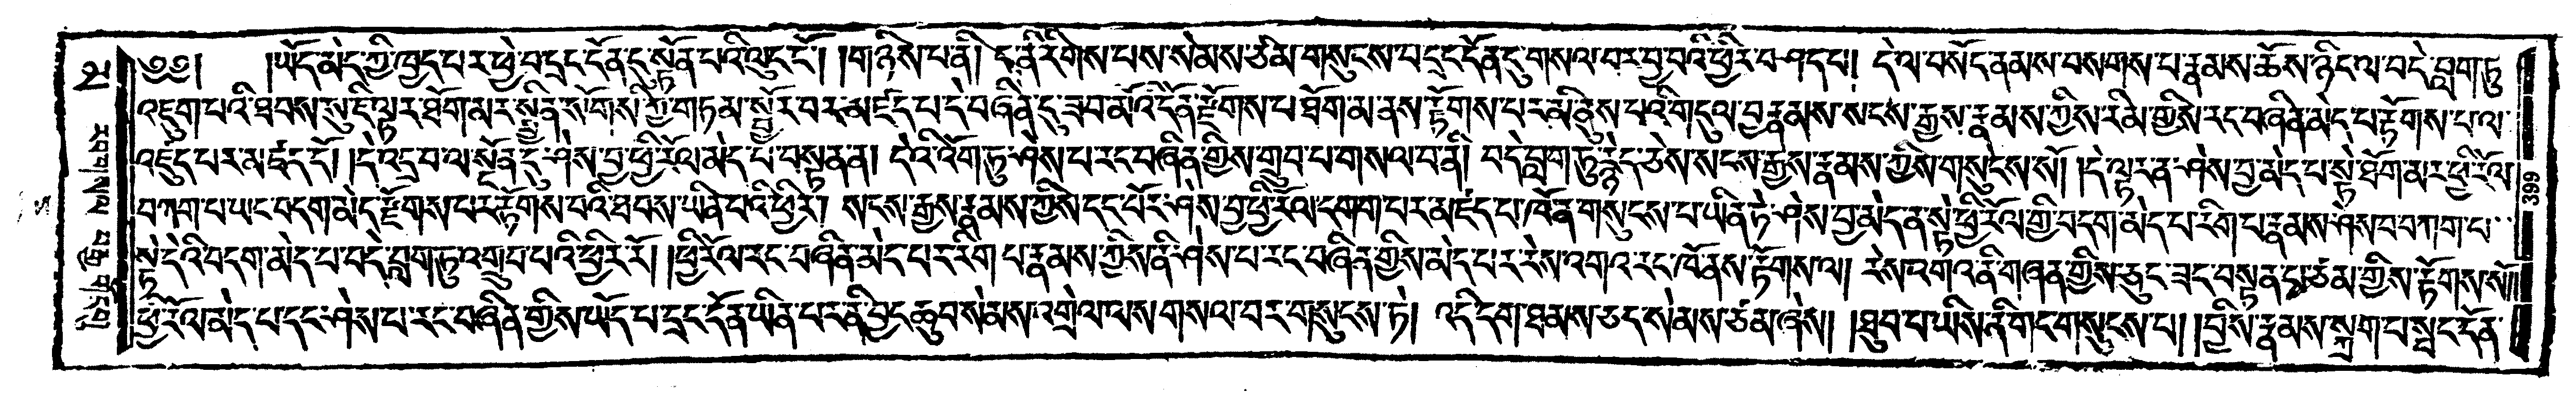༄༅། །ཡོད་མེད་ཀྱི་ཁྱད་པར་ཕྱེ་བ་དྲང་དོན་དུ་སྟོན་པའི་ལུང་ངོ། །གཉིས་པ་ནི། ད་ནི་རིགས་པས་སེམས་ཙམ་གསུངས་པ་དྲང་དོན་དུ་གསལ་བར་བྱ་བའི་ཕྱིར་བཤད་པ། དེ་ལ་བསོད་ནམས་བསགས་པ་རྣམས་ཆོས་ཉིད་ལ་བདེ་བླག་ཏུ་
འཇུག་པའི་ཐབས་སུ་ཇི་ལྟར་ཐོག་མར་སྦྱིན་སོགས་ཀྱི་གཏམ་སྦྱོར་བར་མཛད་པ་དེ་བཞིན་དུ་ཟབ་མོའི་དོན་རྫོགས་པ་ཐོག་མ་ནས་རྟོགས་པར་མི་ནུས་པའི་གདུལ་བྱ་རྣམས་སངས་རྒྱས་རྣམས་ཀྱིས་རིམ་གྱིས་རང་བཞིན་མེད་པ་རྟོགས་པ་ལ་
འཛུད་པར་མཛད་དོ། །དེ་འདྲ་བ་ལ་སྔོན་དུ་ཤེས་བྱ་ཕྱི་རོལ་ལ་མེད་པ་བསྟན་ན། དེའི་འོག་ཏུ་ཤེས་པ་རང་བཞིན་གྱིས་གྲུབ་པ་གསལ་བ་ནི། བདེ་བླག་ཏུ་རྙེད་ཅེས་སངས་རྒྱས་རྣམས་ཀྱིས་གསུངས་སོ། །དེ་ལྟར་ན་ཤེས་བྱ་མེད་པ་སྟེ་ཐོག་མར་ཕྱི་རོལ་
བཀག་པ་ཡང་བདག་མེད་རྫོགས་པར་རྟོགས་པའི་ཐབས་ཡིན་པའི་ཕྱིར། སངས་རྒྱས་རྣམས་ཀྱིས་དང་པོར་ཤེས་བྱ་ཕྱི་རོལ་དགག་པར་མཛད་པ་ཁོ་ན་གསུངས་པ་ཡིན་ཏེ་ཤེས་བྱ་མེད་ན་སྟེ་ཕྱི་རོལ་གྱི་བདག་མེད་པ་རིག་པ་རྣམས་ཤེས་པ་བཀག་པ་
སྟེ་དེའི་བདག་མེད་པ་བདེ་བླག་ཏུ་འགྲུབ་པའི་ཕྱིར་རོ། །ཕྱི་རོལ་རང་བཞིན་མེད་པར་རིག་པ་རྣམས་ཀྱིས་ནི་ཤེས་པ་རང་བཞིན་གྱིས་མེད་པར་རེས་འགའ་རང་ཁོ་ནས་རྟོགས་ལ། རེས་འགའ་ནི་གཞན་གྱིས་ཅུང་ཟད་བསྟན་པ་ཙམ་གྱིས་རྟོགས་སོ།།
ཕྱི་རོལ་མེད་པ་དང་ཤེས་པ་རང་བཞིན་གྱིས་ཡོད་པ་དྲང་དོན་ཡིན་པར་ནི་བྱང་ཆུབ་སེམས་འགྲེལ་ལས་གསལ་བར་གསུངས་ཏེ། འདི་དག་ཐམས་ཅད་སེམས་ཙམ་ཞེས། །ཐུབ་པ་ཡིས་ནི་གང་གསུངས་པ། །བྱིས་རྣམས་སྐྲག་པ་སྤང་དོན་